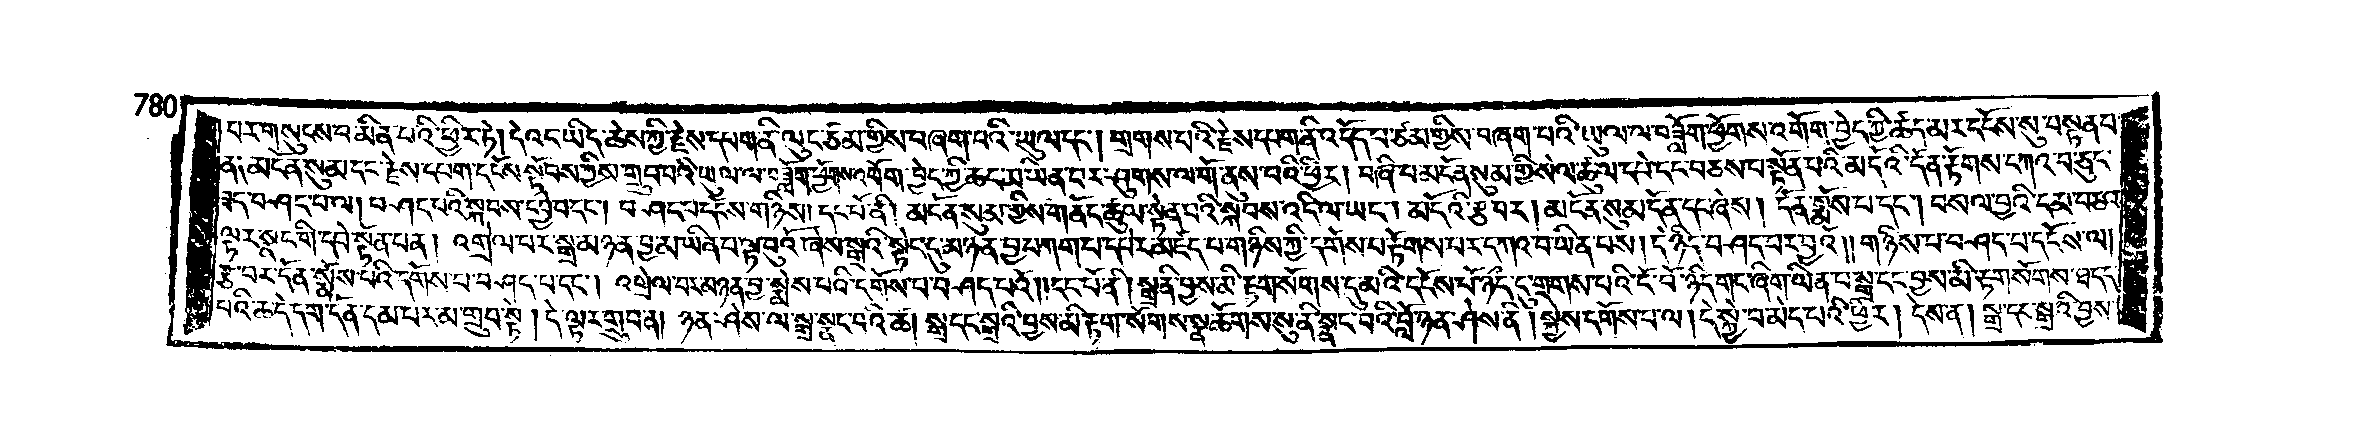པར་གསུངས་པ་མིན་པའི་ཕྱིར་ཏེ། དེའང་ཡིད་ཆེས་ཀྱི་རྗེས་དཔག་ནི་ལུང་ཙམ་གྱིས་བཞག་པའི་ཡུལ་དང་། གྲགས་པའི་རྗེས་དཔག་ནི་འདོད་པ་ཙམ་གྱིས་བཞག་པའི་ཡུལ་ལ་བཟློག་ཕྱོགས་འགོག་བྱེད་ཀྱི་ཚད་མར་དངོས་སུ་བསྟན་པ་
ན། མངོན་སུམ་དང་རྗེས་དཔག་དངོས་སྟོབས་ཀྱིས་གྲུབ་པའི་ཡུལ་ལ་བཟློག་ཕྱོགས་འགོག་བྱེད་ཀྱི་ཚད་མ་ཡིན་པར་ཤུགས་ལ་གོ་ནུས་པའི་ཕྱིར། བཞི་བ་མངོན་སུམ་གྱི་སེལ་ཚུལ་དཔེ་དང་བཅས་པ་སྟོན་པའི་མདོའི་དོན་རྟོགས་དཀའ་བ་ཅུང་
ཟད་བཤད་པ་ལ། བཤད་པའི་སྐབས་དབྱེ་བ་དང་། བཤད་པ་དངོས་གཉིས། དང་པོ་ནི། མངོན་སུམ་གྱིས་གནོད་ཚུལ་སྟོན་པའི་སྐབས་འདི་ལ་ཡང་། མདོའི་རྩ་བར། མངོན་སུམ་དོན་དང་ཞེས། དོན་སྨོས་པ་དང་། བསལ་བྱའི་དམ་བཅའ་
ལྟར་སྣང་གི་དཔེ་སྟོན་པ་ན། འགྲེལ་བར་སྒྲ་མཉན་བྱ་མ་ཡིན་པ་ལྟ་བུའོ་ཞེས་སྒྲའི་སྟེང་དུ་མཉན་བྱ་བཀག་པ་དཔེར་མཛད་པ་གཉིས་ཀྱི་དོག་སྤ་རྟོགས་པ་དཀའ་བ་ཡིན་པས། དེ་ཉིད་བཤད་པར་བྱའོ། །གཉིས་པ་བཤད་པ་དངོས་ལ།
རྩ་བར་དོན་སྨོས་པའི་དགོས་པ་བཤད་པར་དང་། འགྲེལ་བར་མཉན་བྱ་སྨོས་པའི་དངོས་པ་བསད་པའོ། །དང་པོ་ནི། སྒ་ནི་བྱས་མི་རྟག་སོགས་དུ་མའི་དངོས་པོ་ཉུཨིད་དུ་གྲགས་པའི་ངོ་བོ་ཉིད་གང་ཡིན་ཞིག་ཡིན་པ་སྒྲ་དང་བྱས་མི་རྟག་སོགས་ཐ་དད་
པའི་ཆ་དེ་དག་དོན་དམ་པར་མ་གྲུབ་སྟེ། དེ་ལྟར་གྲུབ་ན། ཉན་ཤེས་ལ་སྒྲ་སྣང་བའི་ཚེ། སྒྲ་དང་སྒྲའི་བྱས་མི་རྟག་སོགས་སྣ་ཚོགས་སུ་ནི་སྣང་བའི་བློ་ཉན་ཤེས་ནི། སྐྱེས་དགོས་པ་ལ། དེ་སྐྱེ་བ་མེད་པའི་ཕྱིར། དེས་ན། སྒྲ་དང་སྒྲའི་བྱས་